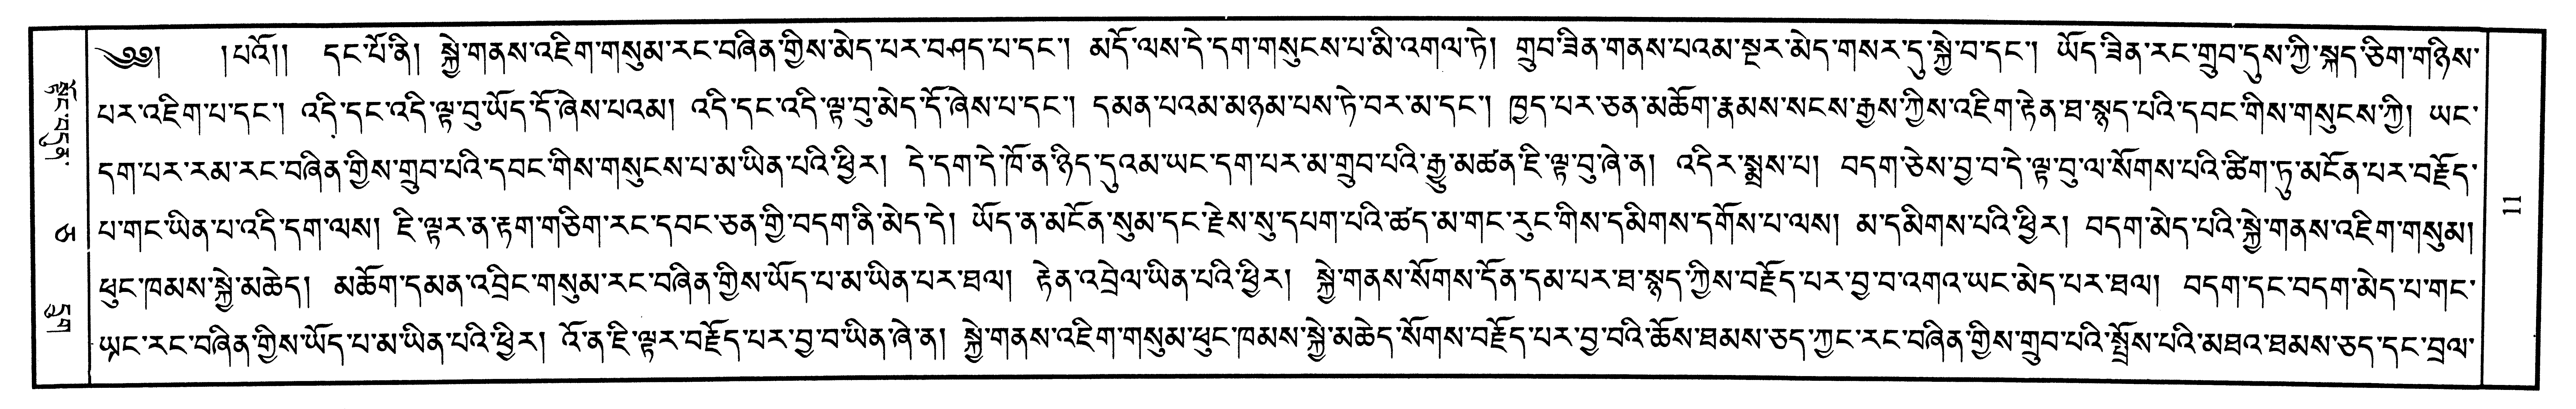༄༅། །པའོ།། དང་པོ་ནི། སྐྱེ་གནས་འཇིག་གསུམ་རང་བཞིན་གྱིས་མེད་པར་བཤད་པ་དང་། མདོ་ལས་དེ་དག་གསུངས་པ་མི་འགལ་ཏེ། གྲུབ་ཟིན་གནས་པའམ་སྔར་མེད་གསར་དུ་སྐྱེ་བ་དང་། ཡོད་ཟིན་རང་གྲུབ་དུས་ཀྱི་སྐད་ཅིག་གཉིས་
པར་འཇིག་པ་དང་། འདི་དང་འདི་ལྟ་བུ་ཡོད་དོ་ཞེས་པའམ། འདི་དང་འདི་ལྟ་བུ་མེད་དོ་ཞེས་པ་དང་། དམན་པའམ་མཉམ་པས་ཏེ་བར་མ་དང་། ཁྱད་པར་ཅན་མཆོག་རྣམས་སངས་རྒྱས་ཀྱིས་འཇིག་རྟེན་ཐ་སྙད་པའི་དབང་གིས་གསུངས་ཀྱི། ཡང་
དག་པར་རམ་རང་བཞིན་གྱིས་གྲུབ་པའི་དབང་གིས་གསུངས་པ་མ་ཡིན་པའི་ཕྱིར། དེ་དག་དེ་ཁོ་ན་ཉིད་དུའམ་ཡང་དག་པར་མ་གྲུབ་པའི་རྒྱུ་མཚན་ཇི་ལྟ་བུ་ཞེ་ན། འདིར་སྨྲས་པ། བདག་ཅེས་བྱ་བ་དེ་ལྟ་བུ་ལ་སོགས་པའི་ཚིག་ཏུ་མངོན་པར་བརྗོད་
པ་གང་ཡིན་པ་འདི་དག་ལས། ཇི་ལྟར་ན་རྟག་གཅིག་རང་དབང་ཅན་གྱི་བདག་ནི་མེད་དེ། ཡོད་ན་མངོན་སུམ་དང་རྗེས་སུ་དཔག་པའི་ཚད་མ་གང་རུང་གིས་དམིགས་དགོས་པ་ལས། མ་དམིགས་པའི་ཕྱིར། བདག་མེད་པའི་སྐྱེ་གནས་འཇིག་གསུམ།
ཕུང་ཁམས་སྐྱེ་མཆེད། མཆོག་དམན་འབྲིང་གསུམ་རང་བཞིན་གྱིས་ཡོད་པ་མ་ཡིན་པར་ཐལ། རྟེན་འབྲེལ་ཡིན་པའི་ཕྱིར། སྐྱེ་གནས་སོགས་དོན་དམ་པར་ཐ་སྙད་ཀྱིས་བརྗོད་པར་བྱ་བ་འགའ་ཡང་མེད་པར་ཐལ། བདག་དང་བདག་མེད་པ་གང་
ཡང་རང་བཞིན་གྱིས་ཡོད་པ་མ་ཡིན་པའི་ཕྱིར། འོ་ན་ཇི་ལྟར་བརྗོད་པར་བྱ་བ་ཡིན་ཞེ་ན། སྐྱེ་གནས་འཇིག་གསུམ་ཕུང་ཁམས་སྐྱེ་མཆེད་སོགས་བརྗོད་པར་བྱ་བའི་ཆོས་ཐམས་ཅད་ཀྱང་རང་བཞིན་གྱིས་གྲུབ་པའི་སྤྲོས་པའི་མཐའ་ཐམས་ཅད་དང་བྲལ་